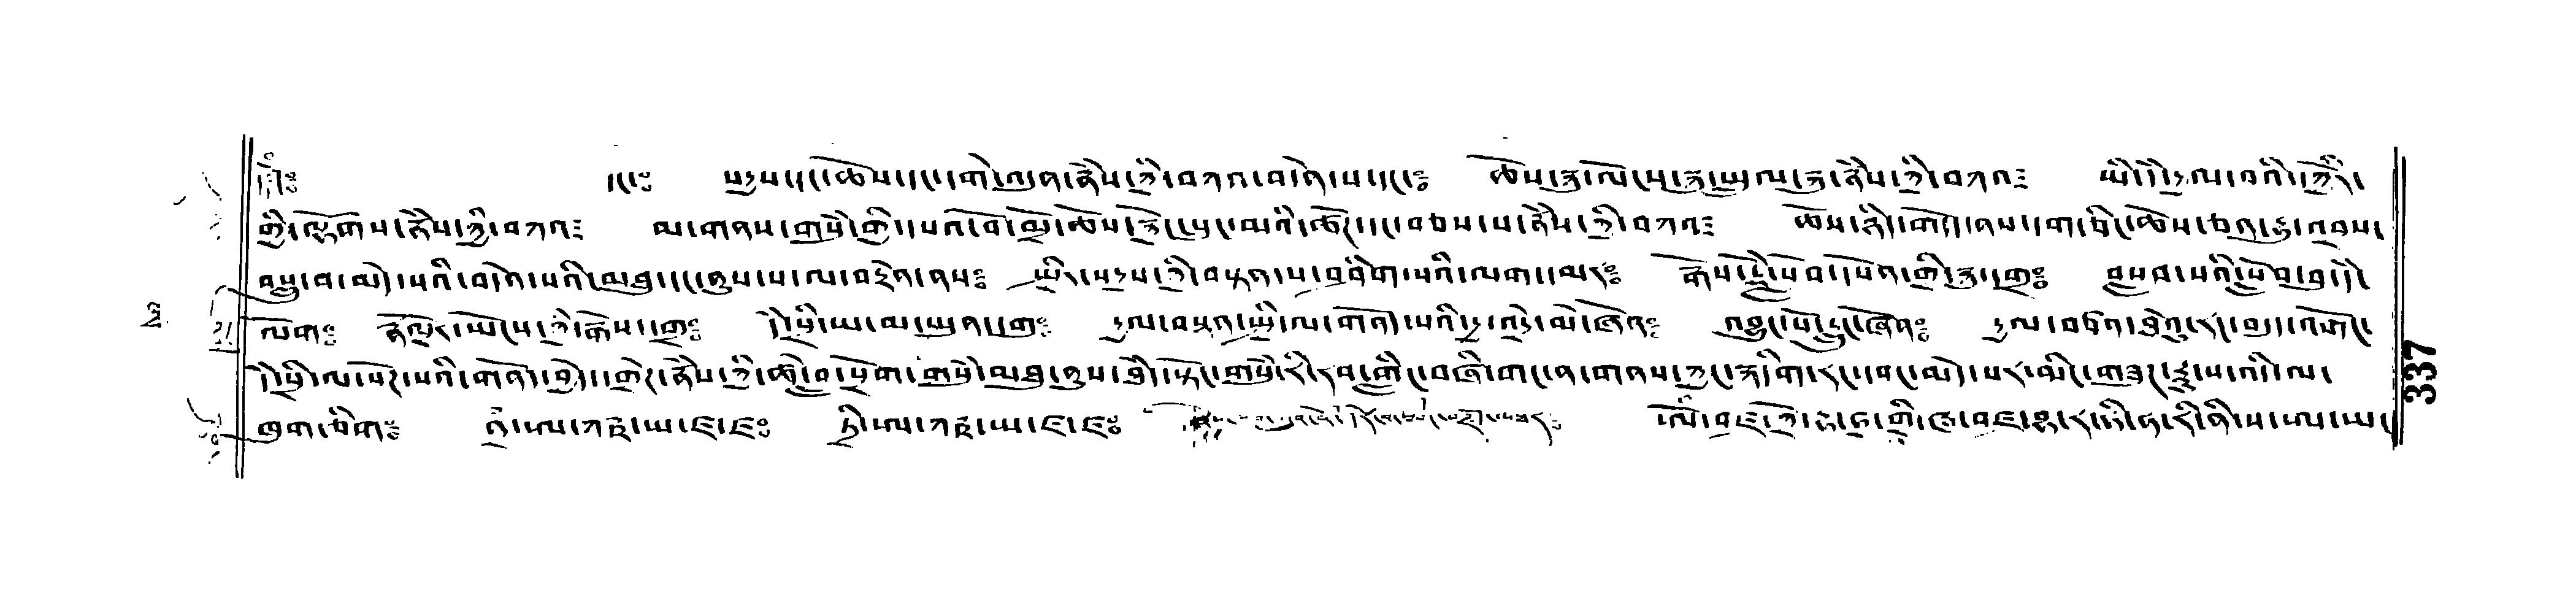དང༔ སངས་རྒྱས་དང་ཆོས་དང་དགེ་འདུན་རྣམས་ཀྱི་བཀའ་བདེན་པ་དང༔ ཆོས་སྐུ་ལོངས་སྐུ་སྤྲུལ་སྐུ་རྣམས་ཀྱི་བཀའ༴ ཡི་དམ་རྒྱལ་བའི་དཀྱིལ་འཁོར་
གྱི་ལྷ་ཚོགས་རྣམས་ཀྱི་བཀའ༴ མ་གནས་གསུམ་གྱི་དཔའ་བོ་མཁའ་འགྲོ་ཆོས་སྐྱོང་སྲུང་མའི་ཚོགས་དང་བཅས་པ་རྣམས་ཀྱི་བཀའ༴ ཆོས་ཉིད་གདོད་ནས་དག་ཅིང་ཆོས་ཅན་རྒྱུ་འབྲས་
བསླུ་བ་མེད་པའི་བདེན་པའི་མཐུ་དང་ནུས་པ་ལ་བརྟེན་ནས༔ སྤྱིར་སངས་རྒྱས་བསྟན་པ་བཤིགས་པའི་ལག་དམར༔ སྒོས་རྡོ་རྗེ་སློབ་དཔོན་གྱི་སྐུ་དགྲ༔ བསླབ་པའི་སློབ་བུ་དམ་
ལོག༔ རྣལ་འབྱོར་ཡོངས་ཀྱི་སྒོས་དགྲ༔ དམ་སྲི་ཡ་མ་སྤུན་དགུ༔ རྒྱལ་བསྟན་སྤྱི་ལ་གནོད་པའི་རྒྱ་འདྲེ་མེ་ཞོན༔ འབྱུང་པོ་རླུང་ཞོན༔ རྒྱལ་བཙན་ཐེའུ་རང་བདུད་འགོང་
དམ་སྲི་ལ་སོགས་པའི་གནོད་བྱེད་དགྲ་བགེགས་རྣམས་ཀྱི་ཚེ་བླ་སྲོག་གསུམ་མཐུ་ནུས་ཐམས་ཅད་སྟོང་གསུམ་རི་རབ་གླིང་བཞི་གང་ན་གནས་ཀྱང་སྐད་ཅིག་རང་དབང་མེད་པར་གཟུགས་རཱུ་པ་འདི་ལ་
ཁུག་ཅིག༔ ནྲྀ་ཨ་ཀརྵ་ཡ་ཛ་ཛཿ ཏྲེི་ཨ་ཀརྵ་ཡ་ཛ་ཛཿ ཞེས་ལན་བདུན་ནམ་ཉེར་གཅིག་བརྗོད་མཐར༔ ཨོཾ་བཛྲ་ཀྲོ་དྷ་ཧྱ་གྲཱི་ཝ་བཛྲ་བྷ་ར་ཧི་ཧ་རི་ནི་ས་ཨ་ཡ་